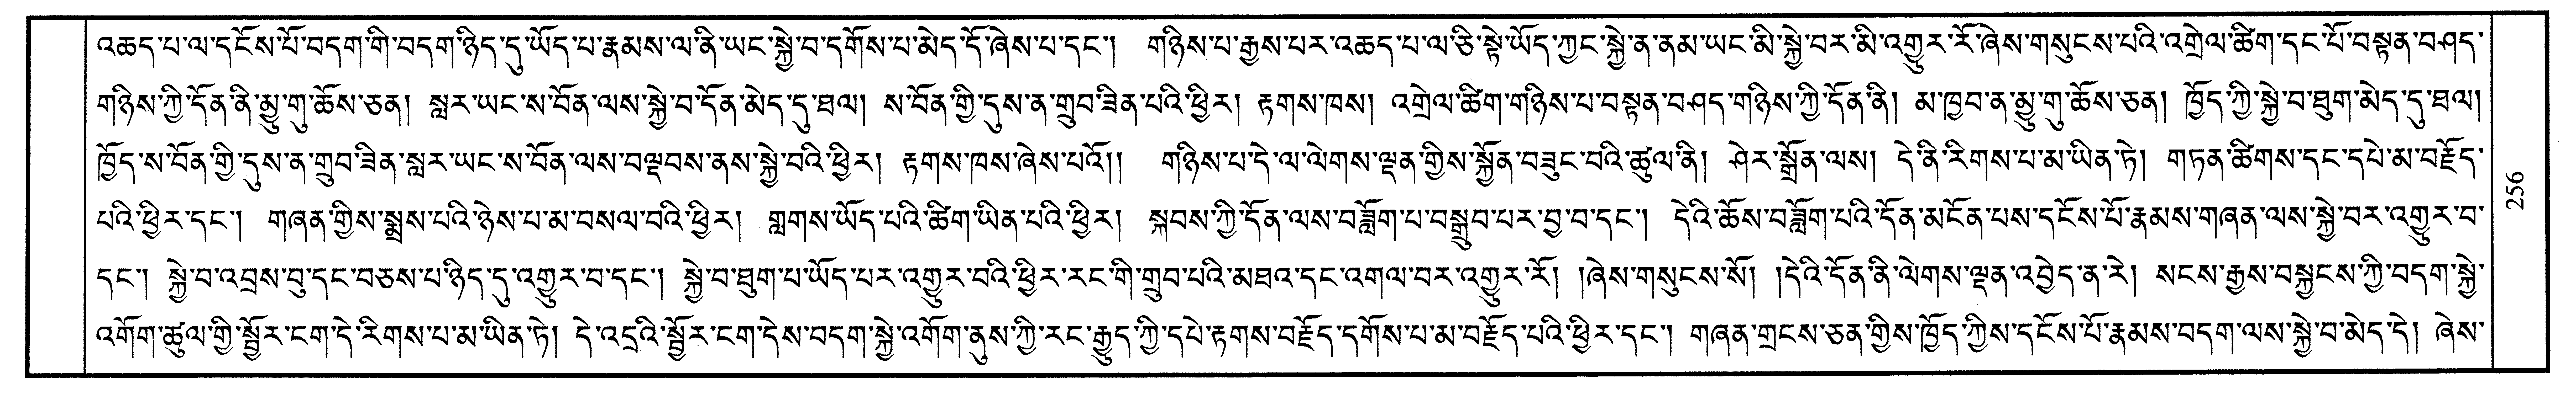འཆད་པ་ལ་དངོས་པོ་བདག་གི་བདག་ཉིད་དུ་ཡོད་པ་རྣམས་ལ་ནི་ཡང་སྐྱེ་བ་དགོས་པ་མེད་དོ་ཞེས་པ་དང་། གཉིས་པ་རྒྱས་པར་འཆད་པ་ལ་ཅི་སྟེ་ཡོད་ཀྱང་སྐྱེ་ན་ནམ་ཡང་མི་སྐྱེ་བར་མི་འགྱུར་རོ་ཞེས་གསུངས་པའི་ཕྱིར་འགྲེལ་ཚིག་དང་པོ་བསྟན་བཤད་
གཉིས་ཀྱི་དོན་ནི་མྱུ་གུ་ཆོས་ཅན། སླར་ཡང་ས་བོན་ལས་སྐྱེ་བ་དོན་མེད་དུ་ཐལ། ས་བོན་གྱི་དུས་ན་གྲུབ་ཟིན་པའི་ཕྱིར། རྟགས་ཁས། འགྲེལ་ཚིག་གཉིས་པ་བསྟན་བཤད་གཉིས་ཀྱི་དོན་ནི། མ་ཁྱབ་ན་མྱུ་གུ་ཆོས་ཅན། ཁྱོད་ཀྱི་སྐྱེ་བ་ཐུག་མེད་དུ་ཐལ།
ཁྱོད་ས་བོན་གྱི་དུས་ན་གྲུབ་ཟིན་སླར་ཡང་ས་བོན་ལས་བལྡབས་ནས་སྐྱེ་བའི་ཕྱིར། རྟགས་ཁས་ཞེས་པའོ། །གཉིས་པ་དེ་ལ་ལེགས་ལྡན་གྱིས་སྐྱོན་བཟུང་བའི་ཚུལ་ནི། ཤེར་སྒྲོན་ལས། དེ་ནི་རིགས་པ་མ་ཡིན་ཏེ། གཏན་ཚིགས་དང་དཔེ་མ་བརྗོད་
པའི་ཕྱིར་དང་། གཞན་གྱིས་སྨྲས་པའི་ཉེས་པ་མ་བསལ་བའི་ཕྱིར། གླགས་ཡོད་པའི་ཚིག་ཡིན་པའི་ཕྱིར། སྐབས་ཀྱི་དོན་ལས་བཟློག་པ་བསྒྲུབ་པར་བྱ་བ་དང་། དེའི་ཆོས་བཟློག་པའི་དོན་མངོན་པས་དངོས་པོ་རྣམས་གཞན་ལས་སྐྱེ་བར་འགྱུར་བ་
དང་། སྐྱེ་བ་འབྲས་བུ་དང་བཅས་པ་ཉིད་དུ་འགྱུར་བ་དང་། སྐྱེ་བ་ཐུག་པ་ཡོད་པར་འགྱུར་བའི་ཕྱིར་རང་གི་གྲུབ་པའི་མཐའ་དང་འགལ་བར་འགྱུར་རོ། །ཞེས་གསུངས་སོ། །དེའི་དོན་ནི་ལེགས་ལྡན་འབྱེད་ན་རེ། སངས་རྒྱས་བསྐྱངས་ཀྱི་བདག་སྐྱེ་
འགོག་ཚུལ་གྱི་སྦྱོར་ངག་དེ་རིགས་པ་མ་ཡིན་ཏེ། དེ་འདྲའི་སྦྱོར་ངག་དེས་བདག་སྐྱེ་འགོག་ནུས་ཀྱི་རང་རྒྱུད་ཀྱི་དཔེ་རྟགས་བརྗོད་དགོས་པ་མ་བརྗོད་པའི་ཕྱིར་དང་། གཞན་གྲངས་ཅན་གྱིས་ཁྱོད་ཀྱིས་དངོས་པོ་རྣམས་བདག་ལས་སྐྱེ་བ་མེད་དེ། ཞེས་